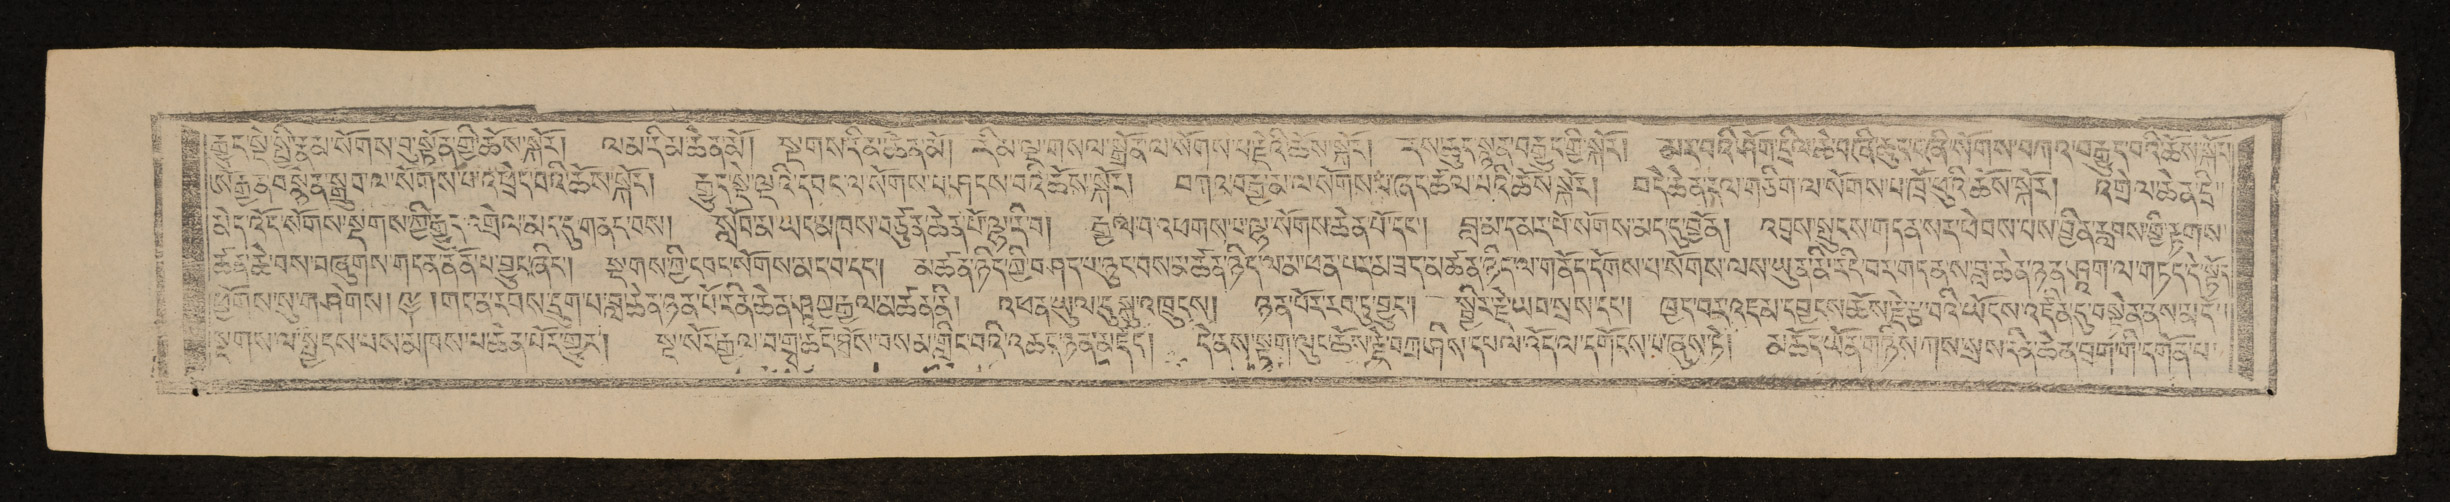རྒྱུད་སྡེ་སྤྱི་རྣམ་སོགས་བུ་སྟོན་གྱི་ཆོས་སྐོར། ལམ་རིམ་ཆེན་མོ། སྔགས་རིམ་ཆེན་མོ། རིམ་ལྔ་གསལ་སྒྲོན་ལ་སོགས་པ་རྗེའི་ཆོས་སྐོར། རས་ཆུང་སྙན་བརྒྱུད་ཀྱི་སྐོར། མར་བའི་ཤོག་དྲིལ་ཆེ་བཞི་ཆུང་བཞི་སོགས་བཀའ་བརྒྱུད་པའི་ཆོས་སྐོར་
ཨོ་རྒྱན་བསྙེན་སྒྲུབ་ལ་སོགས་པ་འཕྲེང་བའི་ཆོས་སྐོར། རྒྱུད་སྡེ་ལྔའི་དབང་ལ་སོགས་པ་ཤངས་པའི་ཆོས་སྐོར། བཀའ་བརྒྱ་མ་ལ་སོགས་པ་ཞང་ཚལ་པའི་ཆོས་སྐོར། བདེ་ཆེན་རལ་གཅིག་ལ་སོགས་པ་ཁྲོ་ཕུའི་ཆོས་སྐོར། འགྲེལ་ཆེན་དྲི་
མེད་འོད་སོགས་སྔགས་ཀྱི་རྒྱུད་འགྲེལ་མང་དུ་གནང་བས། སློབ་མ་ཡང་མཁས་བཙུན་ཆེན་པོ་ལྷ་རིབ། རྒྱལ་བ་འཕགས་པ་ལྷ་སོགས་ཆེན་པོ་དང་། བླ་མ་དམར་པོ་སོགས་མང་དུ་བྱོན། འབྲས་སྤུངས་གདན་སར་ཕེབས་པས་བྱིན་རླབས་གྱི་རྟགས་
ཚན་ཆེ་བས་བཞུགས་གདན་ནོན་པ་བྱུང་ཞིང་། སྔགས་ཀྱི་དབང་སོགས་མང་པ་དང་། མཚན་ཉིད་ཀྱི་བཤད་པ་ཉུང་པས་མཚན་ཉིད་ལ་མ་ཕན་པར་མ་ཟད་མཚན་ཉིད་ལ་གནོད་དོགས་པ་སོགས་ལས་ཡུན་མི་རིང་བར་གདན་ས་བླ་ཆེན་ཉན་ཤཱཀ་ལ་གཏད་དེ་སྟོད་
ཕྱོགས་སུ་གཤེགས། ༈ །གདན་རབས་དྲུག་པ་བླ་ཆེན་ཉན་པོ་རིན་ཆེན་ཤཱཀྱ་རྒྱལ་མཚན་ནི། འཕན་ཡུལ་དུ་སྐུ་འཁྲུངས། ཉན་པོར་རབ་ཏུ་བྱུང་། སྤྱིར་རྗེ་ཡབ་སྲས་དང་། ཁྱད་པར་འཇམ་དབྱངས་ཆོས་རྗེ་རྩ་བའི་ཡོངས་འཛིན་དུ་བསྟེན་ནས་མདོ་
སྔགས་ལ་སྦྱངས་པས་མཁས་པ་ཆེན་པོར་གྱུར། སྔ་སོར་རྒྱལ་བ་གྲྭ་ཚང་ཐོས་བསམ་གླིང་བའི་འཆད་ཉན་མཛད། དེ་ནས་སྟག་ལུང་ཆོས་རྗེ་བཀྲ་ཤིས་དཔལ་འོད་ལ་དགོངས་པ་ཞུས་ཏེ། མཆོད་ཡོན་གཉིས་ཀས་སྲས་རིན་ཆེན་བྲག་གི་དགོན་པ་